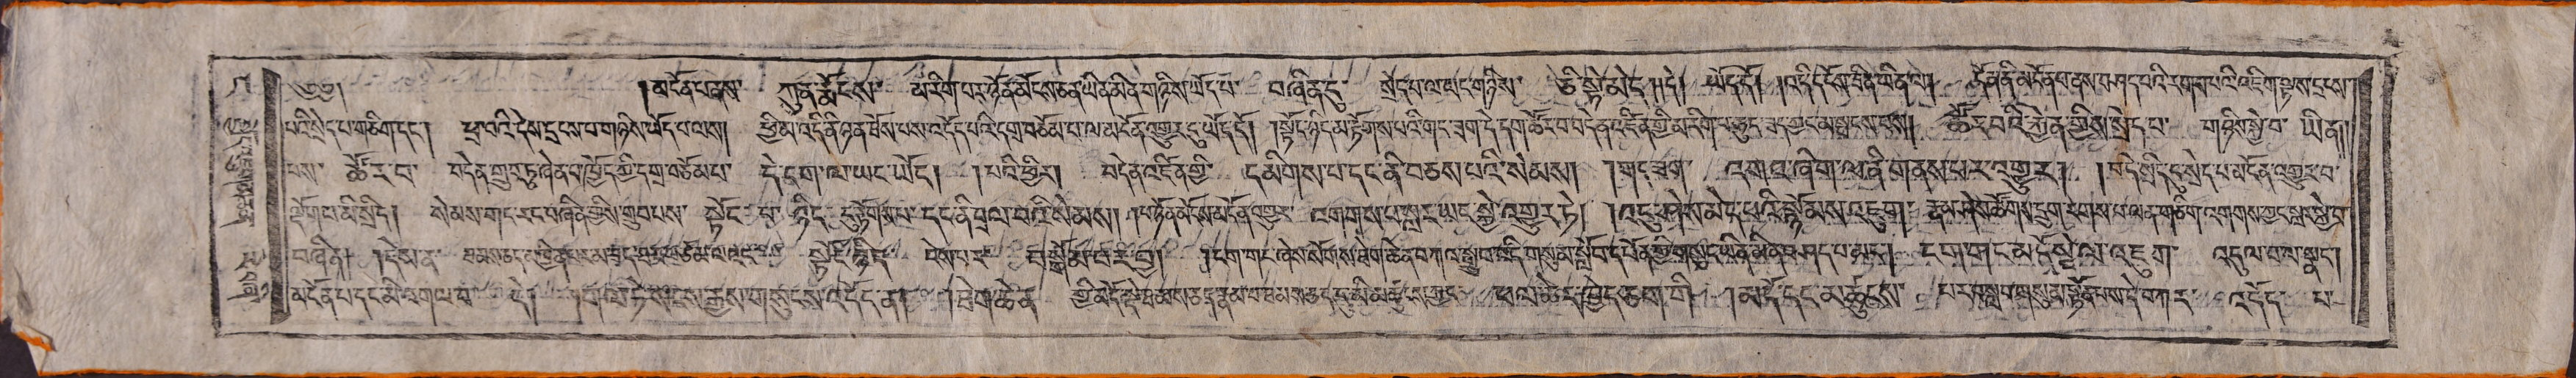༄༅། །མངོན་པ་ནས་ཀུན་རྨོངས་མ་རིག་པར་ཉོན་མོངས་ཅན་ཡིན་མིན་གཉིས་ཡོད་པ་བཞིན་དུ་སྲེད་པ་ལ་ཡང་གཉིས་ཅི་སྟེ་མེད། །དེ། ཡོད་དོ། །འདི་དངོས་ཟིན་ཡིན་ལ། དོན་ནི་མངོན་པ་ནས་བཤད་པའི་རགས་པའི་འཇིག་ལྟས་དྲངས་
པའི་སྲེད་པ་གཅིག་དང་། ཕྲ་བའི་དེས་དྲངས་པ་གཉིས་ཡོད་པ་ལས། ཕྱི་མ་འདི་ནི་ཉན་ཐོས་པས་འདོད་པའི་དགྲ་བཅོམ་པ་ལ་མངོན་འགྱུར་དུ་ཡོད་དོ། །སྟོང་ཉིད་མ་རྟོགས་པའི་གང་ཟག་དེ་དག་ཚོར་བ་བདེན་འཛིན་གྱི་མ་རིག་པ་ཅུང་ཟད་ཀྱང་མ་སྤངས་པས། ཚོར་བའི་རྐྱེན་གྱིས་སྲེད་པ་གཉིས་སྐྱེ་བ་ཡིན། །
པས་ཚོར་བ་བདེན་གྲུབ་ཏུ་ཞེན་པ་ཁྱོད་ཀྱི་དགྲ་བཅོམ་པ་དེ་དག་ལ་ཡང་ཡོད། །པའི་ཕྱིར། བདེན་འཛིན་གྱི་དམིགས་པ་དང་ནི་བཅས་པའི་སེམས། །གང་ཟག་འགའ་ཞིག་ལ་ནི་གནས་པར་འགྱུར། །བདེ་སྲིད་དུ་སྲེད་པ་མངོན་འགྱུར་བ་
ལྡོག་པ་མི་སྲིད། སེམས་གང་རང་བཞིན་གྱིས་གྲུབ་པས་སྟོང་པ་ཉིད་དུ་རྟོགས་པ་དང་ནི་བྲལ་བའི་སེམས། །པ་ཉོན་མོངས་མངོན་འགྱུར་འགགས་པ་སླར་ཡང་སྐྱེ་འགྱུར་ཏེ། །འདུ་ཤེས་མེད་པའི་སྙོམས་འཇུག་རྣམ་ཤེས་ཚོགས་དྲུག་རགས་པ་ལན་གཅིག་འགགས་ཀྱང་སླར་སྐྱེ་བ
བཞིན། །དེས་ན་ཐམས་ཅད་མཁྱེན་པར་མ་ཟད་ཐར་པ་ཙམ་ལའང་སྟོང་ཉིད་ངེས་པར་བསྒོམ་པར་བྱ། ངང་གང་ཞེས་སོགས་ཐེག་ཆེན་བཀའ་སྒྲུབ་འདི་གསུམ་སློབ་དཔོན་གྱི་གསུང་ཡིན་མིན་བཤད་པ་མང་།  ངག་གང་མདོ་སྡེ་ལ་འཇུག་འདུལ་བ་ལ་སྣང་།
མངོན་པ་དང་མི་འགལ་བ་དེ། །གལ་ཏེ་སངས་རྒྱས་གསུངས་འདོད་ན། །ཐེག་ཆེན་གྱི་མདོ་སྡེ་ཐམས་ཅད་རྣམ་པ་ཐམས་ཅད་དུ་མི་མཚུངས་ཀྱང་ཕལ་ཆེར་ཁྱེད་ཅག་གི །མདོ་དང་མཚུངས་པར་བསླབ་གསུམ་སྟོན་པས་དེ་བཀར་འདོད་པ